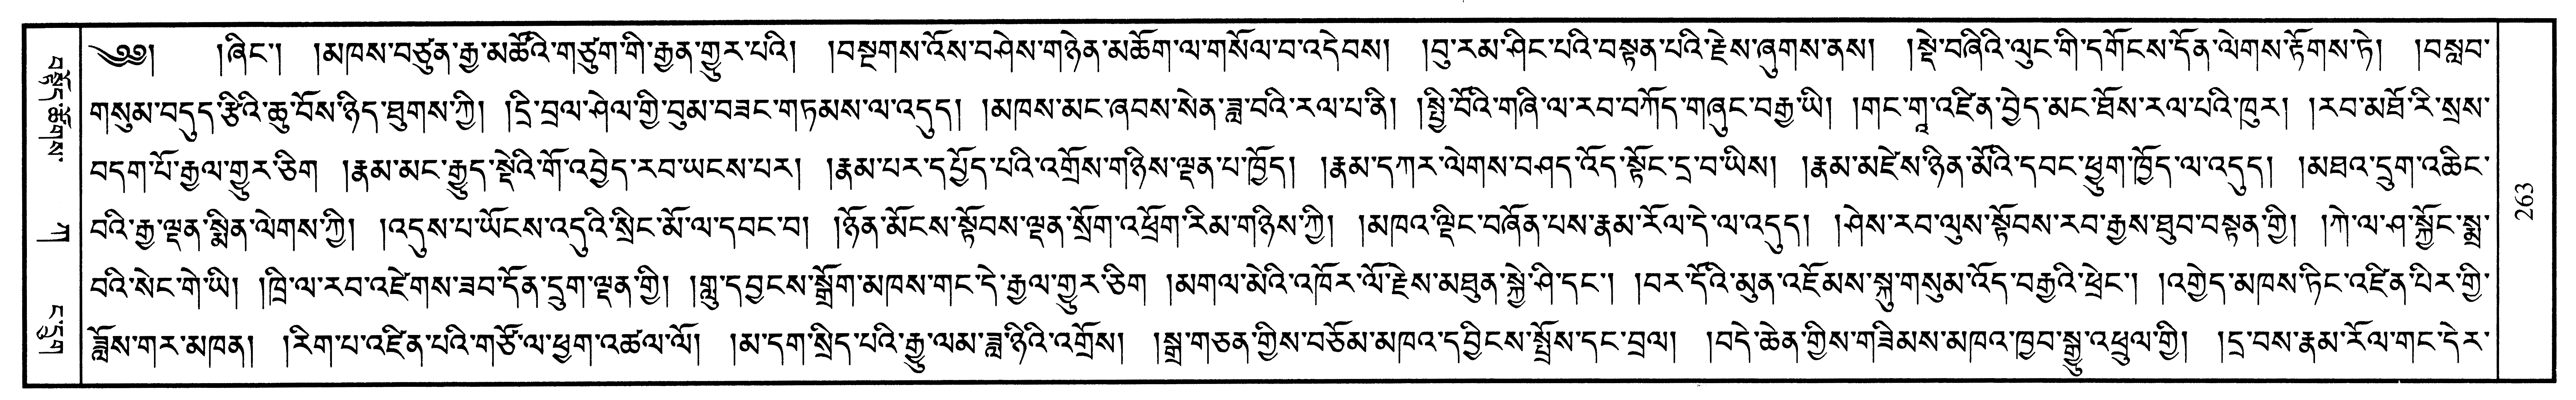༄༅། །ཞིང་། །མཁས་བཙུན་རྒྱ་མཚོའི་གཙུག་གི་རྒྱན་གྱུར་པའི། །བསྔགས་འོས་བཤེས་གཉེན་མཆོག་ལ་གསོལ་བ་འདེབས། །བུ་རམ་ཤིང་པའི་བསྟན་པའི་རྗེས་ཞུགས་ནས། །སྡེ་བཞིའི་ལུང་གི་དགོངས་དོན་ལེགས་རྟོགས་ཏེ། །བསླབ་
གསུམ་བདུད་རྩིའི་ཆུ་བོས་ཉིད་ཐུགས་ཀྱི། །དྲི་བྲལ་ཤེལ་གྱི་བུམ་བཟང་གཏམས་ལ་འདུད། །མཁས་མང་ཞབས་སེན་ཟླ་བའི་རལ་པ་ནི། །སྤྱི་བོའི་གཞི་ལ་རབ་བཀོད་གཞུང་བརྒྱ་ཡི། །གང་གཱ་འཛིན་བྱེད་མང་ཐོས་རལ་པའི་ཁུར། །རབ་མཐོ་རི་སྲས་
བདག་པོ་རྒྱལ་གྱུར་ཅིག །རྣམ་མང་རྒྱུད་སྡེའི་གོ་འབྱེད་རབ་ཡངས་པར། །རྣམ་པར་དཔྱོད་པའི་འགྲོས་གཉིས་ལྡན་པ་ཁྱོད། །རྣམ་དཀར་ལེགས་བཤད་འོད་སྟོང་དྲ་བ་ཡིས། །རྣམ་མཛེས་ཉིན་མོའི་དབང་ཕྱུག་ཁྱོད་ལ་འདུད། །མཐའ་དྲུག་འཆིང་
བའི་རྒྱ་ལྡན་སྨིན་ལེགས་ཀྱི། །འདུས་པ་ཡོངས་འདུའི་སྲིང་མོ་ལ་དབང་བ། །ཉོན་མོངས་སྟོབས་ལྡན་སྲོག་འཕྲོག་རིམ་གཉིས་ཀྱི། །མཁའ་ལྡིང་བཞོན་པས་རྣམ་རོལ་དེ་ལ་འདུད། །ཤེས་རབ་ལུས་སྟོབས་རབ་རྒྱས་ཐུབ་བསྟན་གྱི། །ཀེ་ལ་ཤ་སྐྱོང་སྨྲ་
བའི་སེང་གེ་ཡི། །ཁྲི་ལ་རབ་འཛེགས་ཟབ་དོན་དྲུག་ལྡན་གྱི། །གླུ་དབྱངས་སྒྲོག་མཁས་གང་དེ་རྒྱལ་གྱུར་ཅིག །མགལ་མེའི་འཁོར་ལོ་རྗེས་མཐུན་སྐྱེ་ཤི་དང་། །བར་དོའི་མུན་འཇོམས་སྐུ་གསུམ་འོད་བརྒྱའི་ཕྲེང་། །འགྱེད་མཁས་ཏིང་འཛིན་པིར་གྱི་
ཟློས་གར་མཁན། །རིག་པ་འཛིན་པའི་གཙོ་ལ་ཕྱག་འཚལ་ལོ། །མ་དག་སྲིད་པའི་རྒྱུ་ལམ་ཟླ་ཉིའི་འགྲོས། །སྒྲ་གཅན་གྱིས་བཅོམ་མཁའ་དབྱིངས་སྤྲོས་དང་བྲལ། །བདེ་ཆེན་གྱིས་གཟིམས་མཁའ་ཁྱབ་སྒྱུ་འཕྲུལ་གྱི། །དྲ་བས་རྣམ་རོལ་གང་དེར་